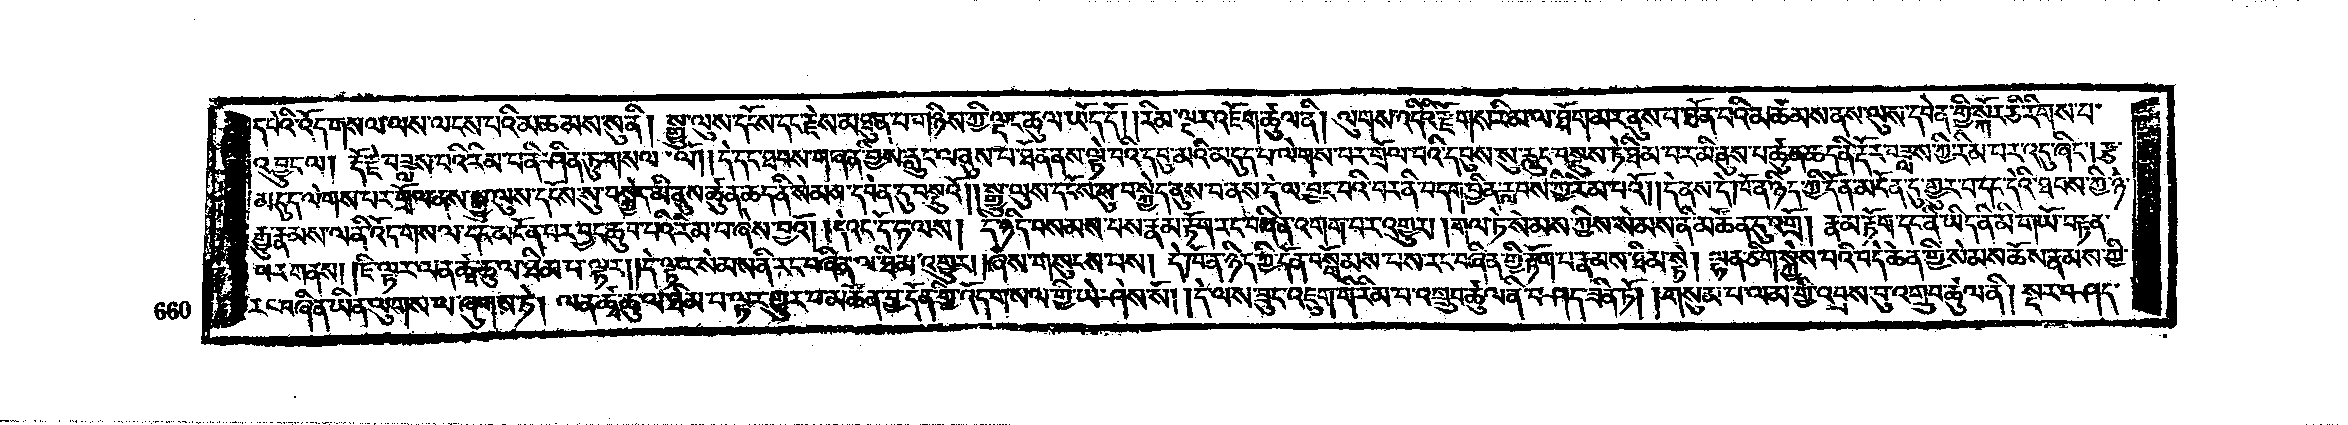དཔེའི་འོད་གསལ་ལས་ལངས་པའི་མཚམས་སུ་ནི། སྒྱུ་ལུས་དངོས་དང་རྗེས་མཐུན་པ་གཉིས་ཀྱི་ལྡང་ཚུལ་ཡོད་དོ། །རིམ་ལྔར་འཇོག་ཚུལ་ནི། ལུགས་འདིའི་རྫོགས་རིམ་ལ་ཐོག་མར་ནུས་པ་ཐོན་པའི་མཚམས་ནས་ལུས་དབེན་གྱི་སྐོར་ཅི་རིགས་པ་
འབྱུང་ལ། རྡོ་རྗེ་བཟླས་པའི་རིམ་པ་ནི་ཤིན་ཏུ་གསལ་ལོ། །དེ་དང་ཐབས་གཞན་གྱིས་རླུང་ལ་ནུས་པ་ཐོན་ནས་ལྟེ་བའི་དབུ་མའི་མདུད་པ་ལེགས་པར་གྲོལ་བའི་དབུས་སུ་རླུང་བསྡུས་ཏེ་ཐིམ་པར་མི་ནུས་པ་ཚུན་ཆད་ནི་རྡོར་བཟླས་ཀྱི་རིམ་པར་འདུ་ཞིང་། རྩ་
མདུད་ལེགས་པར་གྲེལ་ནས་སྒྱུ་ལུས་དངོས་སུ་བསྐྱེད་མི་ནུས་ཚུན་ཆད་ནི་སེམས་དབེན་དུ་བསྡུའོ། །སྒྱུ་ལུས་དངོས་སུ་བསྐྱེད་ནུས་པ་ནས་དེ་ལ་བྱང་བའི་བར་ནི་བདག་བྱིན་རླབས་ཀྱི་རིམ་པའོ། །དེ་ནས་དེ་ཁོ་ན་ཉིད་ཀྱི་དོན་མངོན་དུ་གྱུར་པ་དང་དེའི་ཐབས་ཀྱི་ཉེ་
རྒྱུ་རྣམས་ལ་ནི་འོད་གསལ་དང་མངོན་པར་བྱང་ཆུབ་པའི་རིམ་པ་ཞེས་བྱའོ། །དེའང་དོ་ཧ་ལས། དེ་ཉིད་བསམས་པས་རྣམ་རྟོག་རང་བཞིན་འགག་པར་འགྱུར། །གལ་ཏེ་སེམས་ཀྱིས་སེམས་ནི་མཚོན་དུ་འགྲོ། རྣམ་རྟོག་དང་ནི་ཡིད་ནི་མི་གཡོ་བརྟན་
པར་གནས། །ཇི་ལྟར་ལན་ཚྭ་ཆུ་ལ་ཐིམ་པ་ལྟར། །དེ་ལྟར་སེམས་ནི་རང་བཞིན་ལ་ཐིམ་འགྱུར། །ཞེས་གསུངས་པས། དེ་ཁོ་ན་ཉིད་ཀྱི་དོན་བསྒོམས་པས་རང་བཞིན་གྱི་རྟོག་པ་རྣམས་ཐིམ་སྟེ། ལྷན་ཅིག་སྐྱེས་པའི་བདེ་ཆེན་གྱི་སེམས་ཆོས་རྣམས་ཀྱི་
རང་བཞིན་ཡིན་ལུགས་ལ་ཞུགས་ཏེ། ལན་ཚྭ་ཚུ་ལ་ཐིམ་པ་ལྟར་གྱུར་པ་མཚོན་བྱ་དོན་གྱི་འོད་གསལ་གྱི་ཡེ་ཤེས་སོ། །དེ་ལས་ཟུང་འཇུག་གི་རིམ་པ་འགྲུབ་ཚུལ་ནི་བཤད་ཟིན་ཏོ། །གསུམ་པ་ལམ་གྱི་འབྲས་བུ་འགྲུབ་ཚུལ་ནི། སྔར་བཤད་